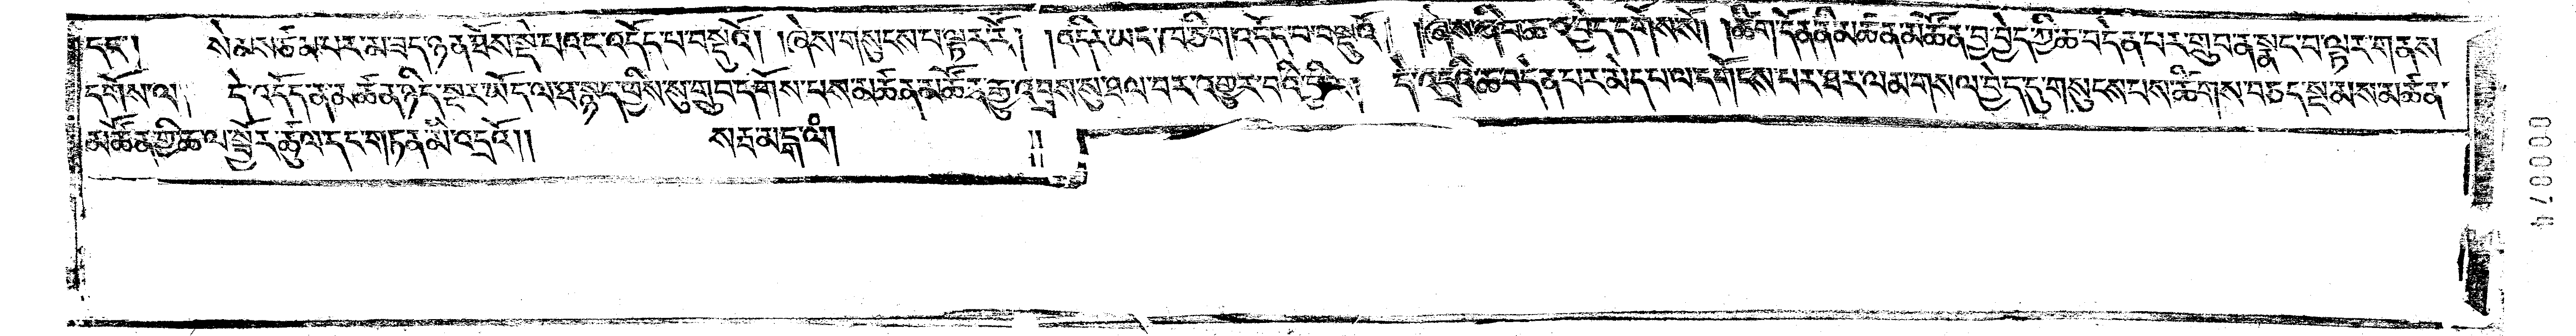དང་། སེམས་ཙམ་པར་མ་ཟད་ཉན་ཐོས་སྡེ་པའང་འདོད་པ་བསྡུའོ། །ཞེས་གསུངས་པ་ལྟར་རོ། །འདིར་ཡང་ཁ་ཅིག་འདོད་པ་བསྡུའོ། །ཞེས་ཞིབ་ཆ་འབྱེད་དགོས་སོ། །ཚིག་དོན་ནི་མཚན་མཚོན་བྱ་བྱེད་ཀྱི་ཆ་བདེན་པར་གྲུབ་ན་སྣང་བ་ལྟར་གནས་
དགོས་ལ། དེ་འདོད་ན་མཚན་ཉིད་སྔར་ཡོད་ལ་ཐ་སྙད་ཕྱིས་སུ་གྲུབ་དགོས་པས་མཚན་མཚོན་རྒྱུ་འབྲས་སུ་ཐལ་བར་འགྱུར་བའི་ཕྱིར། དེ་འདྲའི་ཆ་བདེན་པར་མེད་པ་ལ་དགོངས་པར་ཐར་ལམ་གསལ་བྱེད་དུ་གསུངས་པས་ཚིགས་བཅད་སྔ་མས་མཚན་
མཚོན་གྱི་ཆ་ལ་སྦྱོར་ཚུལ་དང་གཏན་མི་འདྲའོ།། སརྦ་མངྒ་ལཾ། །།